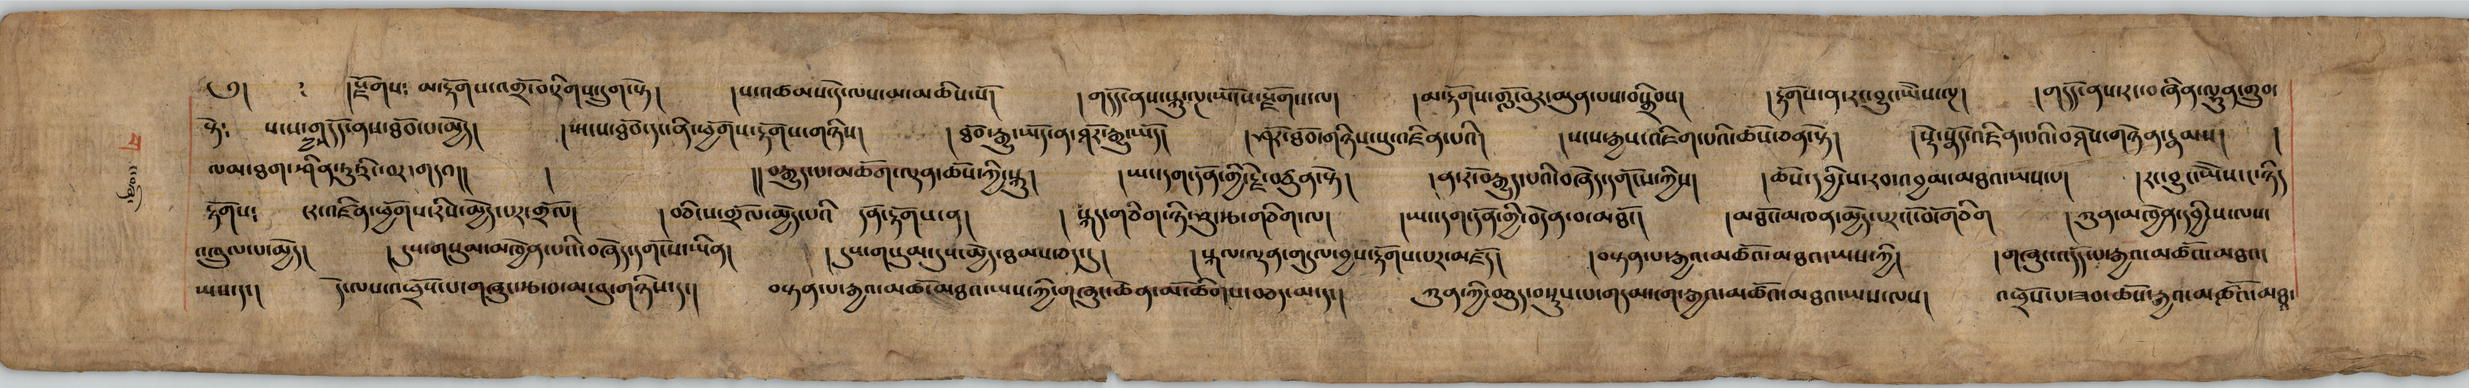༅། །སྫོགས༴ མ་རྟོགས་འགྲོ་བ་རིགས་དྲུག་སྟེ། །ས་འཚམས་དེ་ལས་མ་མཆིས་སོ། །གདོད་ནས་སྐུ་ལྔ་ཡོངས་སྫོགས་ལ། །མ་རྟོགས་གློ་བུར་མུན་པས་བསྒྲིབས། །རྟོགས་ན་རང་བྱུང་ཡཻས་ལྔ། །གདོད་ནས་རང་བཞིན་ལྷུན་གྲུབ་
སྟེ༴ སངས་གདོད་ནས་ཐོབ་པ་མྱེད། །སྤངས་ཐོབ་དང་ནི་ཕྱོགས་རྟོགས་གཉིས། །ཐོབ་རྒྱུ་ཡོད་བ་ཤོར་རྒྱུ་ཡོད། །ཤོར་ཐོབ་གཉིས་སུ་འཛིན་པའི། །སངས་རྒྱས་འཇིག་པའི་ཆོས་ཅན་སྟེ། །སྡེ་སྣོད་འཛིན་པའི་བཤེས་གཉེན་རྣམས།
ལམ་ཐག་ཤིན་ཏུ་རིང་བར་གདའ།། ། །།བརྒྱུད་པ་མཆོག་ལྡན་ཆོས་ཀྱི་སྐུ། །ཡང་དག་དོན་གྱི་རྗེ་བཙུན་སྟེ། །ན་རོ་བརྒྱུད་པའི་བཞེད་དགོངས་ཀྱིས། །ཆོས་དབྱིངས་རབ་འབྱམ་མཐའ་ཡས་པ། །རང་བྱུང་ཡཻས་ང་ཉིད
རྟོགས༴ ངར་འཛིན་ཕྱོགས་རིས་མྱེད་པར་གྲོལ། །བཅིངས་གྲོལ་མྱེད་པའི དོན་རྟོགས་ན། །སྐད་གཅིག་ཉི་ཤུ་རྩ་གཅིག་ལ། །ཡང་དག་དོན་གྱི་བདེན་བ་མཐོང། །མཐོང་མཁན་མྱེད་པར་ངོ་བོ་གཅིག །ཀུན་མཁྱེན་དབྱིངས་ལས་
འཁྲུལ་པ་མྱེད། །དུས་གསུམ་མཁྱེན་པའི་བཞེད་དགོངས་ཡིན། །དུས་གསུམ་དུས་མྱེད་ཐམས་ཅད་དུ། །སྐལ་ལྡན་གདུལ་བྱས་རྟོགས་པར་མཛོད། །བསྟན་པ་རྒྱའ་མཚོའ་མཐའ་ཡས་ཀྱི། །གཞུང་འདོད་པ་རྒྱའ་མཚོའ་མཐའ་
ཡས་དང། དེ་ལས་འཕྲོས་པ་གཞུང་རྩ་བ་མ་བུ་གཉིས་དང། བསྟན་པ་རྒྱའ་མཚོ་མཐའ་ཡས་ཀྱི་གཞུང་ཆེན་མོ་ཚིགས་བཅད་མ་དང། ཀུན་ཀྱི་བཅུད་བསྡུས་པ་གདམ་ངག་རྒྱའ་མཚོའ་མཐའ་ཡས་ལས། འཕྲོས་པ་ཟབ་ཆོས་རྒྱའ་མཚོའ་མཐཱ་